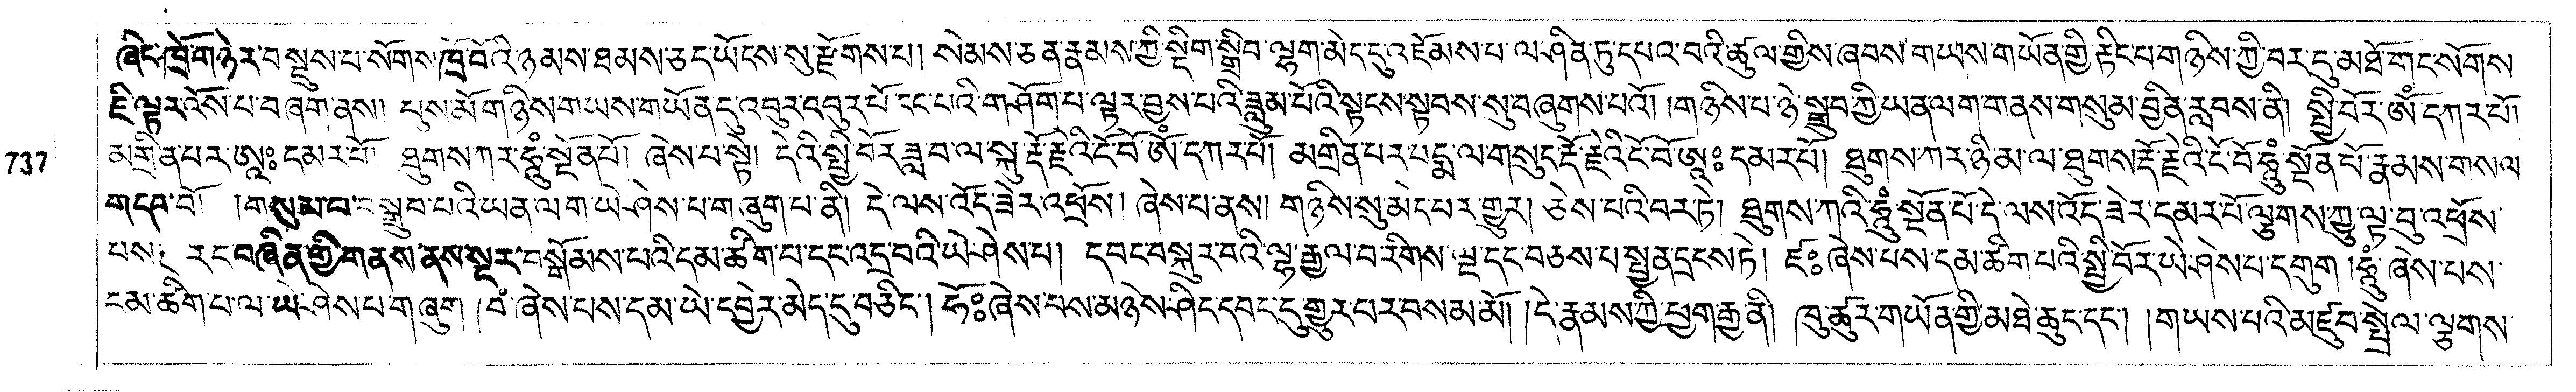ཞིང་ཁྲོ་གཉེར་བསྡུས་པ་སོགས་ཁྲོ་བོའི་ཉམས་ཐམས་ཅད་ཡོངས་སུ་རྫོགས་པ། སེམས་ཅན་རྣམས་ཀྱི་སྡིག་སྒྲིབ་ལྷག་མེད་དུ་འཇོམས་པ་ལ་ཤིན་ཏུ་དཔའ་བའི་ཚུལ་གྱིས་ཞབས་གཡས་གཡོན་གྱི་རྟིང་པ་གཉིས་ཀྱི་བར་དུ་མཐོ་གང་སོགས་
ཇི་ལྟར་འོས་པ་བཞག་ནས། པུས་མོ་གཉིས་གཡས་གཡོན་དུ་འབུར་འབུར་པོ་དང་པའི་གཤོག་པ་ལྟར་བྱས་པའི་ཟླུམ་པོའི་སྟངས་སྟབས་སུ་བཞུགས་པའོ། །གཉིས་པ་ཉེ་སྒྲུབ་ཀྱི་ཡན་ལག་གནས་གསུམ་བྱིན་རླབས་ནི། སྤྱི་བོར་ཨོཾ་དཀར་པོ།
མགྲིན་པར་ཨཱཿ དམར་པོ། ཐུགས་ཀར་ཧཱུཾ་སྔོན་པོ། ཞེས་པ་སྟེ། དེའི་སྤྱི་བོར་ཟླ་བ་ལ་སྐུ་རྡོ་རྗེའི་ངོ་བོ་ཨོཾ་དཀར་པོ། མགྲིན་པར་པདམ་ལ་གསུང་རྡོ་རྗེའི་ངོ་བོ་ཨཱཿ དམར་པོ། ཐུགས་ཀར་ཉི་མ་ལ་ཐུགས་རྡོ་རྗེའི་ངོ་བོ་ཧཱུཾ་སྔོན་པོ་རྣམས་གསལ་
གདབ་བོ། །གསུམ་པ་བསྒྲུབ་པའི་ཡན་ལག་ཡེ་ཤེས་པ་གཞུག་པ་ནི། དེ་ལས་འོད་ཟེར་འཕྲོས། ཞེས་པ་ནས། གཉིས་སུ་མེད་པར་གྱུར། ཅེས་པའི་བར་ཏེ། ཐུགས་ཀའི་ཧཱུཾ་སྔོན་པོ་དེ་ལས་འོད་ཟེར་དམར་པོ་ལྕགས་ཀྱུ་ལྟ་བུ་འཕྲོས་
པས༑ རང་བཞིན་གྱི་གནས་ནས་སྔར་བསྒོམས་པའི་དམ་ཚིག་པ་དང་འདྲ་བའི་ཡེ་ཤེས་པ། དབང་བསྐུར་བའི་ལྷ་རྒྱལ་བ་རིགས་ལྔ་དང་བཅས་པ་སྤྱན་དྲངས་ཏེ། ཛཿ ཞེས་པས་དམ་ཚིག་པའི་སྤྱི་བོར་ཡེ་ཤེས་པ་དགུག །ཧཱུཾ་ཞེས་པས་
དམ་ཚིག་པ་ལ་ཡེ་ཤེས་པ་གཞུག །བཾ་ཞེས་པས་དམ་ཡེ་དབྱེར་མེད་དུ་བཅིང་། ཧོཿ ཞེས་པས་མཉེས་ཤིང་དབང་དུ་གྱུར་པར་བསམ་མོ། །དེ་རྣམས་ཀྱི་ཕྱག་རྒྱ་ནི། ཁུ་ཚུར་གཡོན་གྱི་མཐེ་ཆུང་དང་། །གཡས་པའི་མཛུབ་སྤྲེལ་ལྕགས་